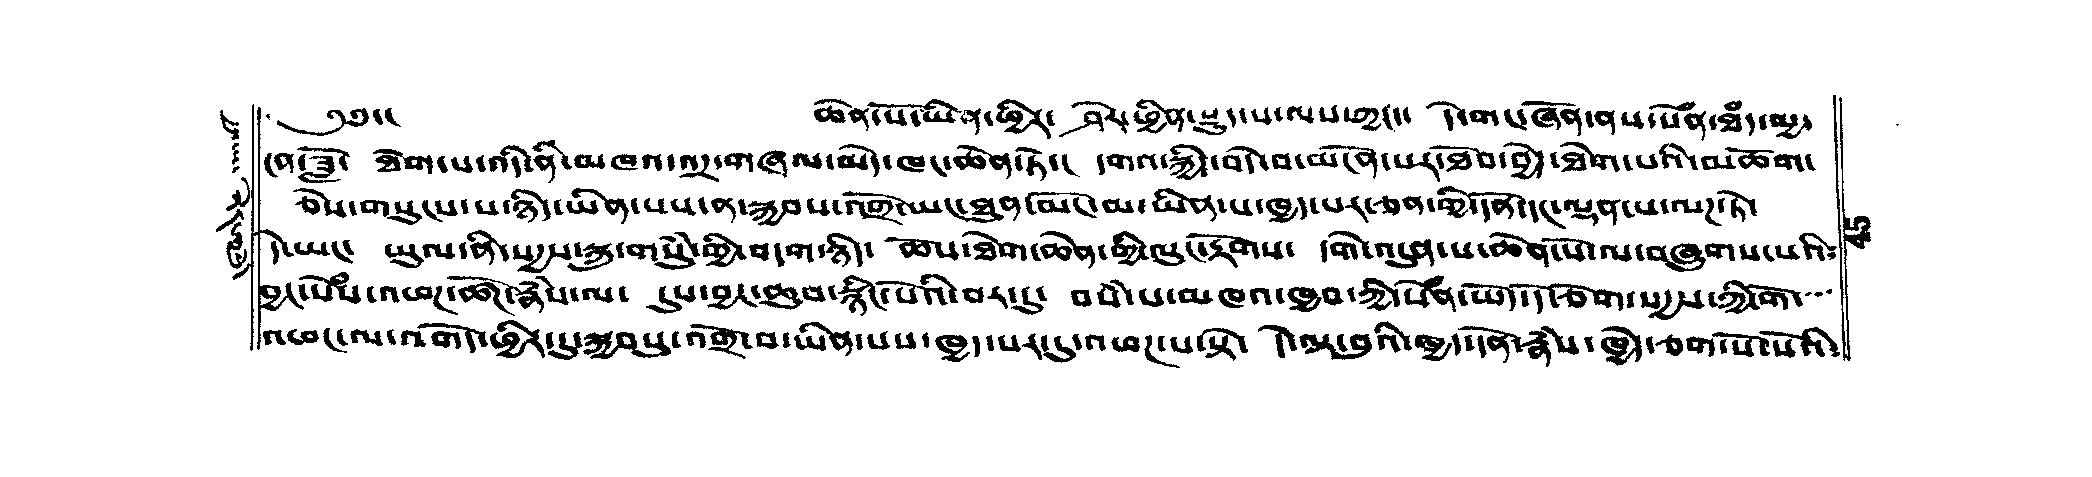ཆེན་པོ་ཡིན་ཕྱིར། ཤེར་ཕྱིན་སྡུད་པ་ལས་ཀྱང་། དེ་གང་ཞོན་ནས་སེམས་ཅན་ཐམས་ཅད་མྱ་
ངན་ཟློ། ཐེག་པ་འདི་ནི་མཁའ་འདྲ་གཞལ་མེད་ཁང་ཆེན་ཏེ། དགའ་སྐྱིད་བདེ་བ་མངོན་པར་ཐོབ་བྱེད་ཐེག་པའི་མཆོག 
ཅེས་གསུངས་པ་ཉིད་ཡིན་པས་ན་སྐྱབས་འགྲོ་ཡང་ཐུན་མོང་མ་ཡིན་པ་ཁྱད་པར་ཅན་གྱི་དོན་དང་ལྡན་པ་ལགས་ཏེ། 
དེ་ཡང་། ཡུལ་ནི་སངས་རྒྱས་སྐུ་གསུམ་གྱི་བདག་ཉིད། ཆོས་ཐེག་ཆེན་གྱི་ལུང་རྟོགས། དགེ་འདུན་པ་ཆེན་པོ་ལ་བཞུགས་པའི་
བྱང་སེམས་འཕགས་ཚོགས་རྣམས་ལ། དུས་བྱང་ཆུབ་སྙིང་པོའི་བར་དུ་བསམ་པ་མཁའ་ཁྱབ་ཀྱི་སེམས་ཅན་ཡོད་དོ་ཅོག་སངས་རྒྱས་ཀྱི་གོ་
འཕང་ལ་འགོད་ཕྱིར་དུ་སྐྱབས་སུ་འགྲོ་བ་ཡིན་པས་ཁྱད་པར་དུ་འཕགས་པ་སྟེ། དེ་ལྟ་བུའི་ཁྱད་དོན་རྣམས་ཁྱེད་ཅག་སོ་སོའི་